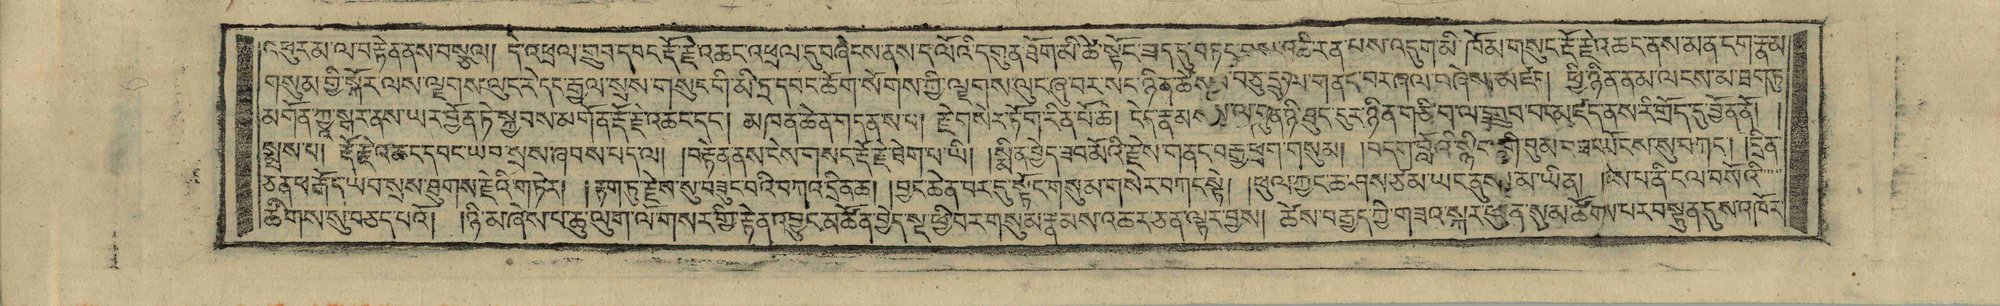འཕུར་མ་ལ་བརྟེན་ནས་བསྩལ། དེ་འཕྲལ་གྲུབ་དབང་རྡོ་རྗེ་འཆང་འཕྲལ་དུ་བཞེངས་ནས་ད་ལོའི་དགུན་ཐོག་མི་ཚེ་སྟོང་ཟད་དུ་བཏང་བས་འཆི་རན་པས་འདུག་མི་ཁོམ་གསུང་རྡོ་རྗེ་འཆང་ནས་མན་ངག་རྣམ་
གསུམ་གྱི་སྐོར་ལས་ལྗགས་ལུང་རེ་དང་རྒྱལ་སྲས་གསུང་གི་མི་ཏྲ་དབང་ཆོག་སོགས་ཀྱི་ལྗགས་ལུང་ཞུ་བར་སང་ཉིན་ཚེས་བཅུ་དྲུག་ལ་གནང་བར་ཞལ་བཞེས་མཛད། ཕྱི་ཉིན་ནམ་ལངས་མ་ཐག་ཏུ་
མགོན་ཀྱཱ་སྒར་ནས་ཡར་བྱོན་ཏེ་སྐྱབས་མགོན་རྡོ་རྗེ་འཆང་དང་། མཁན་ཆེན་གདན་ས་པ། རྗེ་གསེར་ཏོག་རིན་པོ་ཆེ། ངེད་རྣམས་ལ་དགུན་ཉི་ཐུང་ངུར་ཉིན་གཅིག་ལ་གྲུབ་པར་མཛད་ནས་རི་གྲོད་དུ་བྱོན་ནོ། །
སྨྲས་པ། རྡོ་རྗེ་འཆང་དབང་ཡབ་སྲས་ཞབས་པད་ལ། །བརྟེན་ནས་ངེས་གསང་རྡོ་རྗེ་ཐེག་པ་ཡི། །སྨིན་བྱེད་ཟབ་མོའི་རྗེས་གནང་བརྒྱ་ཕྲག་གསུམ། །བདག་བློའི་སྙིང་གི་བུམ་བཟང་ཡོངས་སུ་བཀང་། །དྲིན་
ཅན་ཕ་རྒོད་ཡབ་སྲས་ཐུགས་རྗེའི་གཏེར། །རྟག་ཏུ་རྗེས་སུ་བཟུང་བའི་བཀའ་དྲིན་ཆ། །བྱང་ཆེན་བར་དུ་སྟོང་གསུམ་གསེར་བཀང་སྟེ། །ཕུལ་ཀྱང་ཆ་ཤས་ཙམ་ཡང་ནུས་མ་ཡིན། །ཞེས་པ་ནི་ངལ་བསོའི་
ཚིགས་སུ་བཅད་པའོ། །ཉི་མ་ཞེས་པ་ཆུ་ལུག་ལོ་གསར་གྱི་རྟེན་འབྱུང་མཚོན་བྱེད་སྔ་ཕྱི་བར་གསུམ་རྣམས་འཆར་ཅན་ལྟར་བྱས། ཚེས་བརྒྱད་ཀྱི་གཟའ་སྐར་ཕུན་སུམ་ཚོགས་པར་བསྟུན་དུས་འཁོར་